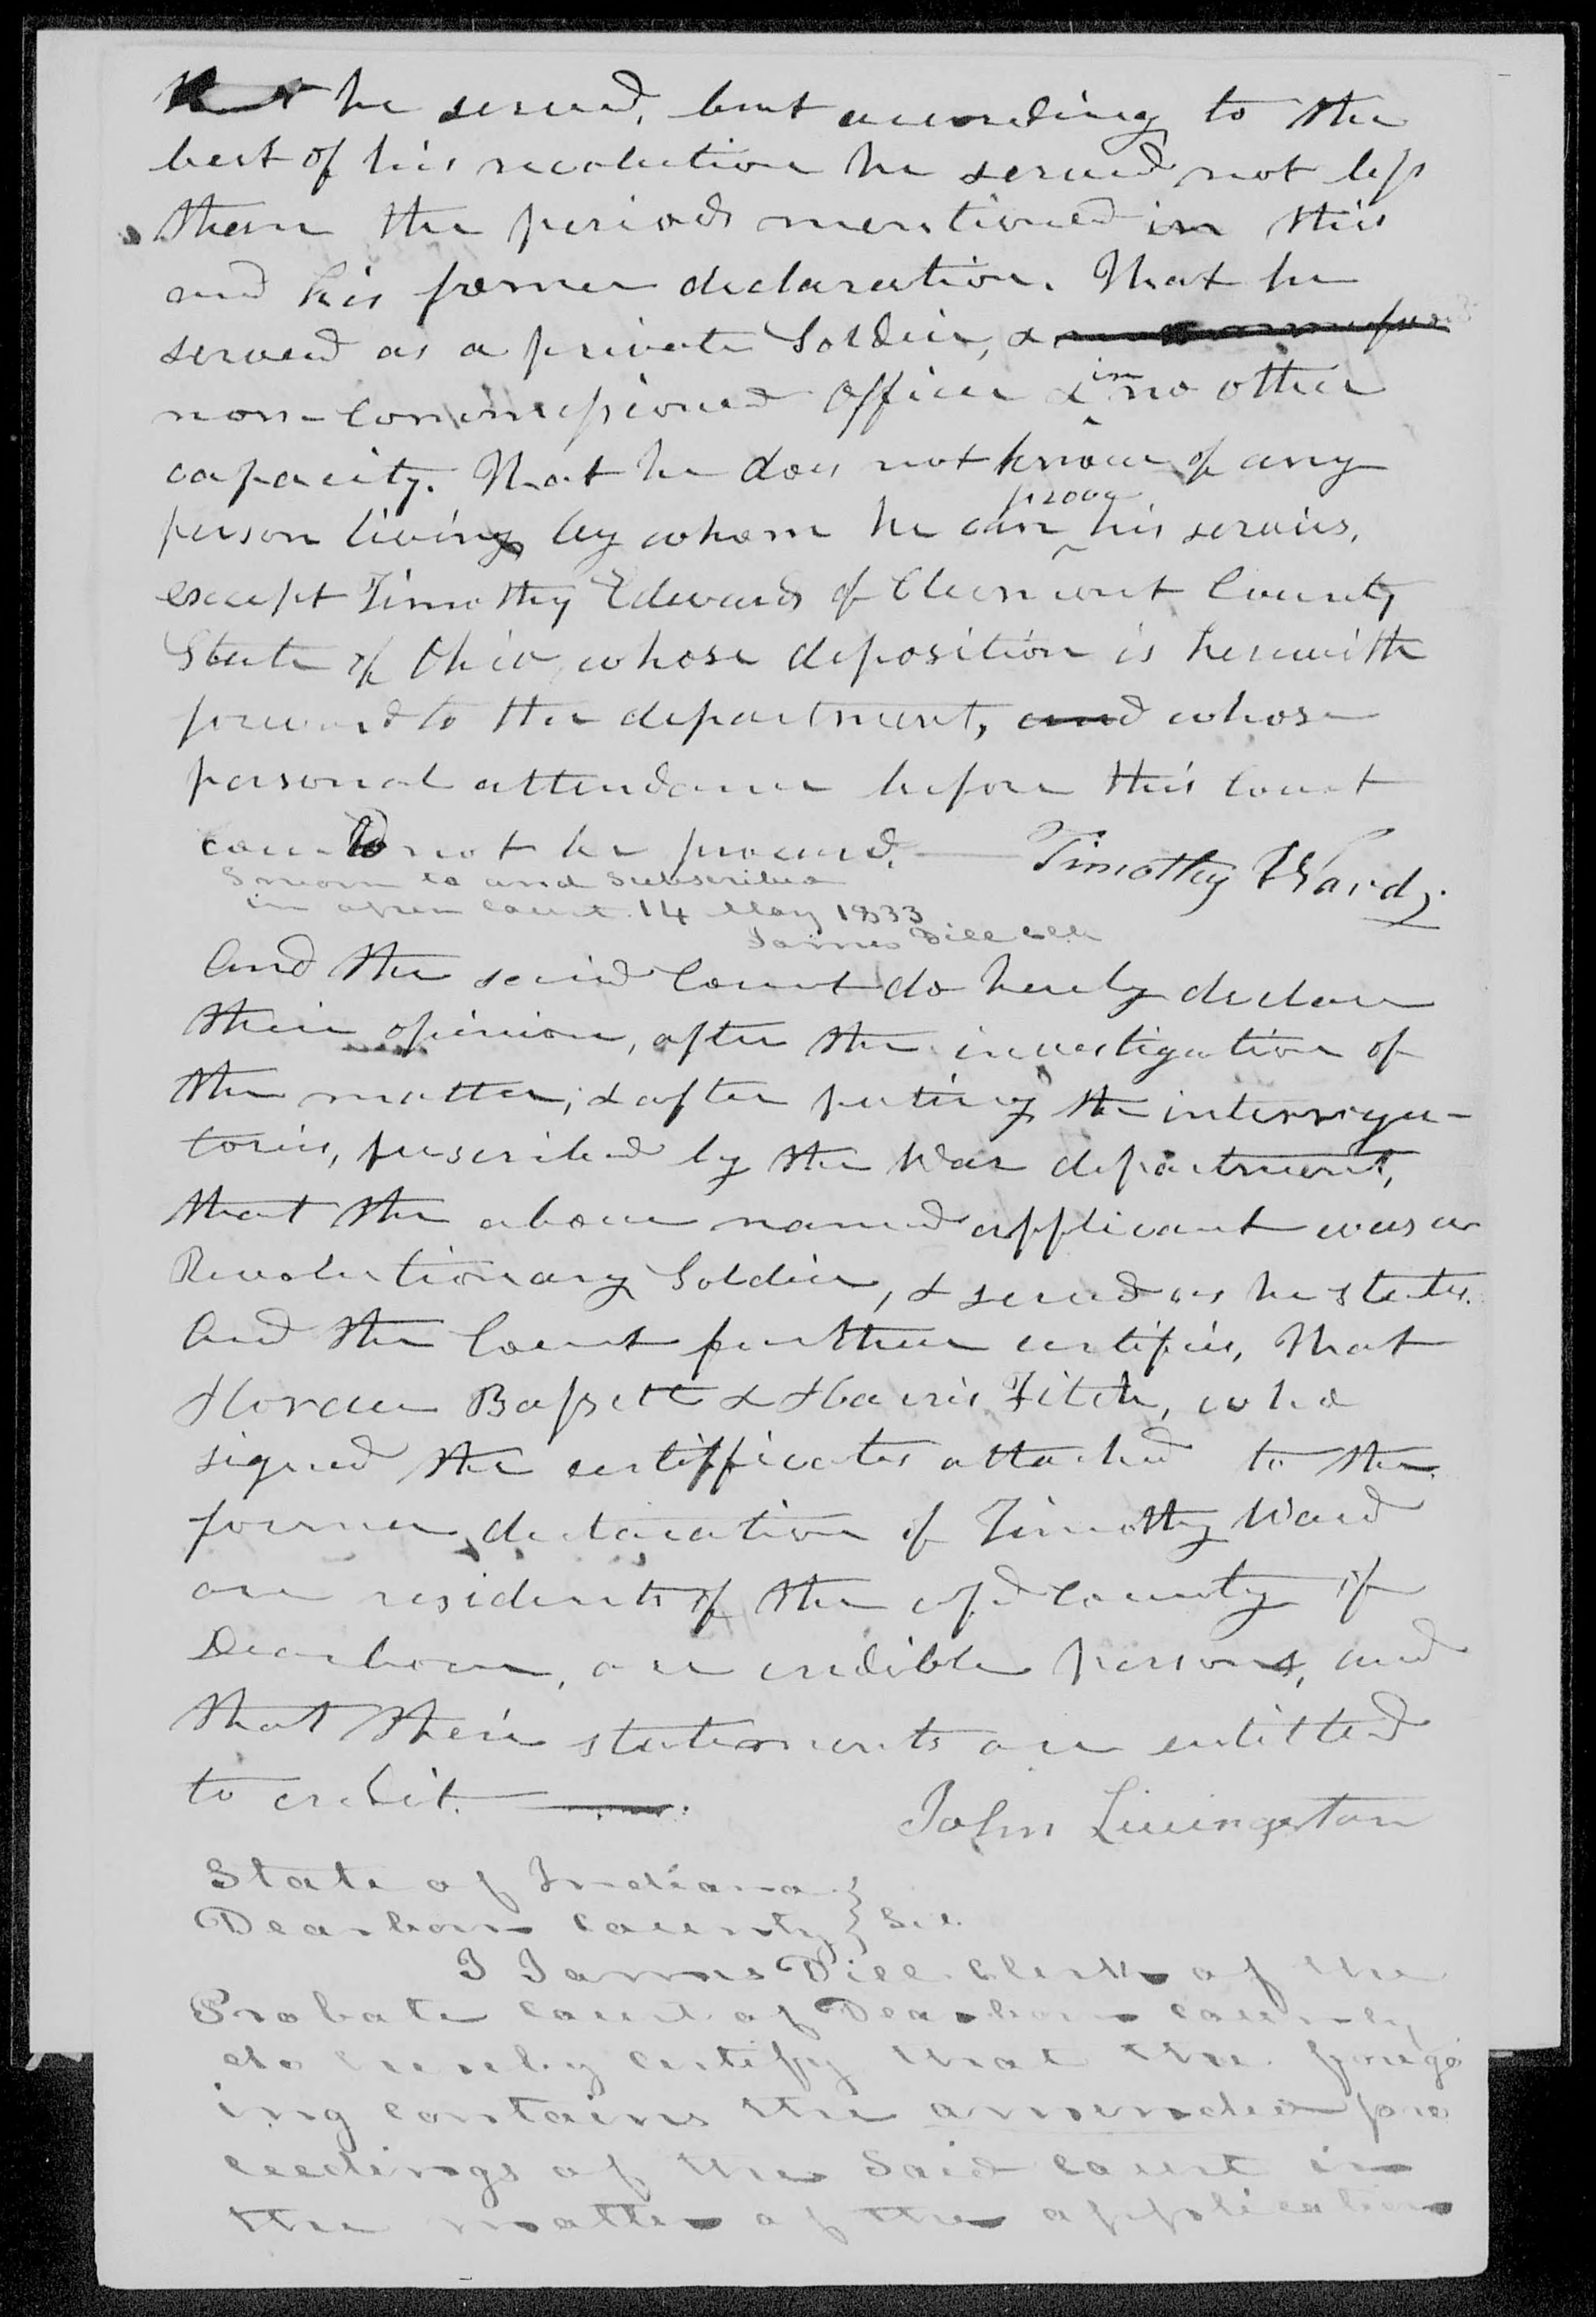that he served, but according to the best of his recolection he served not less them the periods mentioned in this and his former declaration. That he served as a private Soldier, & [illegible word crossed out] non-commissioned officer &[and] in no other capacity. That he does not know of any person living by whom he can prove his services except Timothy Edward of Clermont County State of Ohio whose deposition is herewith forward to the department, and whose personal attendance before this Court could not be procured - Timothy Ward.
Sworn to and subscribed in open court. 14 May 1833.
James Dill Clk
And the said Court do hereby declare their opinion, after the investigation of the matter; & after puting the interrogatories, prescribed by the War department, that the above named applicant was a Revolutionary Soldier, & served as he states.  And the Court further certifies, that Horace Bassett & Harris Fitch, who signed the certifficates attached to the former declaration of Timothy Ward are residents of the County of Dearborn, and are credible persons, and that their statements are entitled to credit. 
John Livingston 

State of Indiana}
Dearborn County} Sct.
I James Dill Clerk of the Probate Court of Dearborn County do hereby certify that the foregoing contains the amended proceedings of the Said court in the matter of the application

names: John Livington, James Dill, Timothy Ward, James Dill, Harris Fitch, Timothy Ward, Horace Bassett, Timothy Edwards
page: 22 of 24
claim: survivor's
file: S. 17751, Timothy Ward, New Jersey